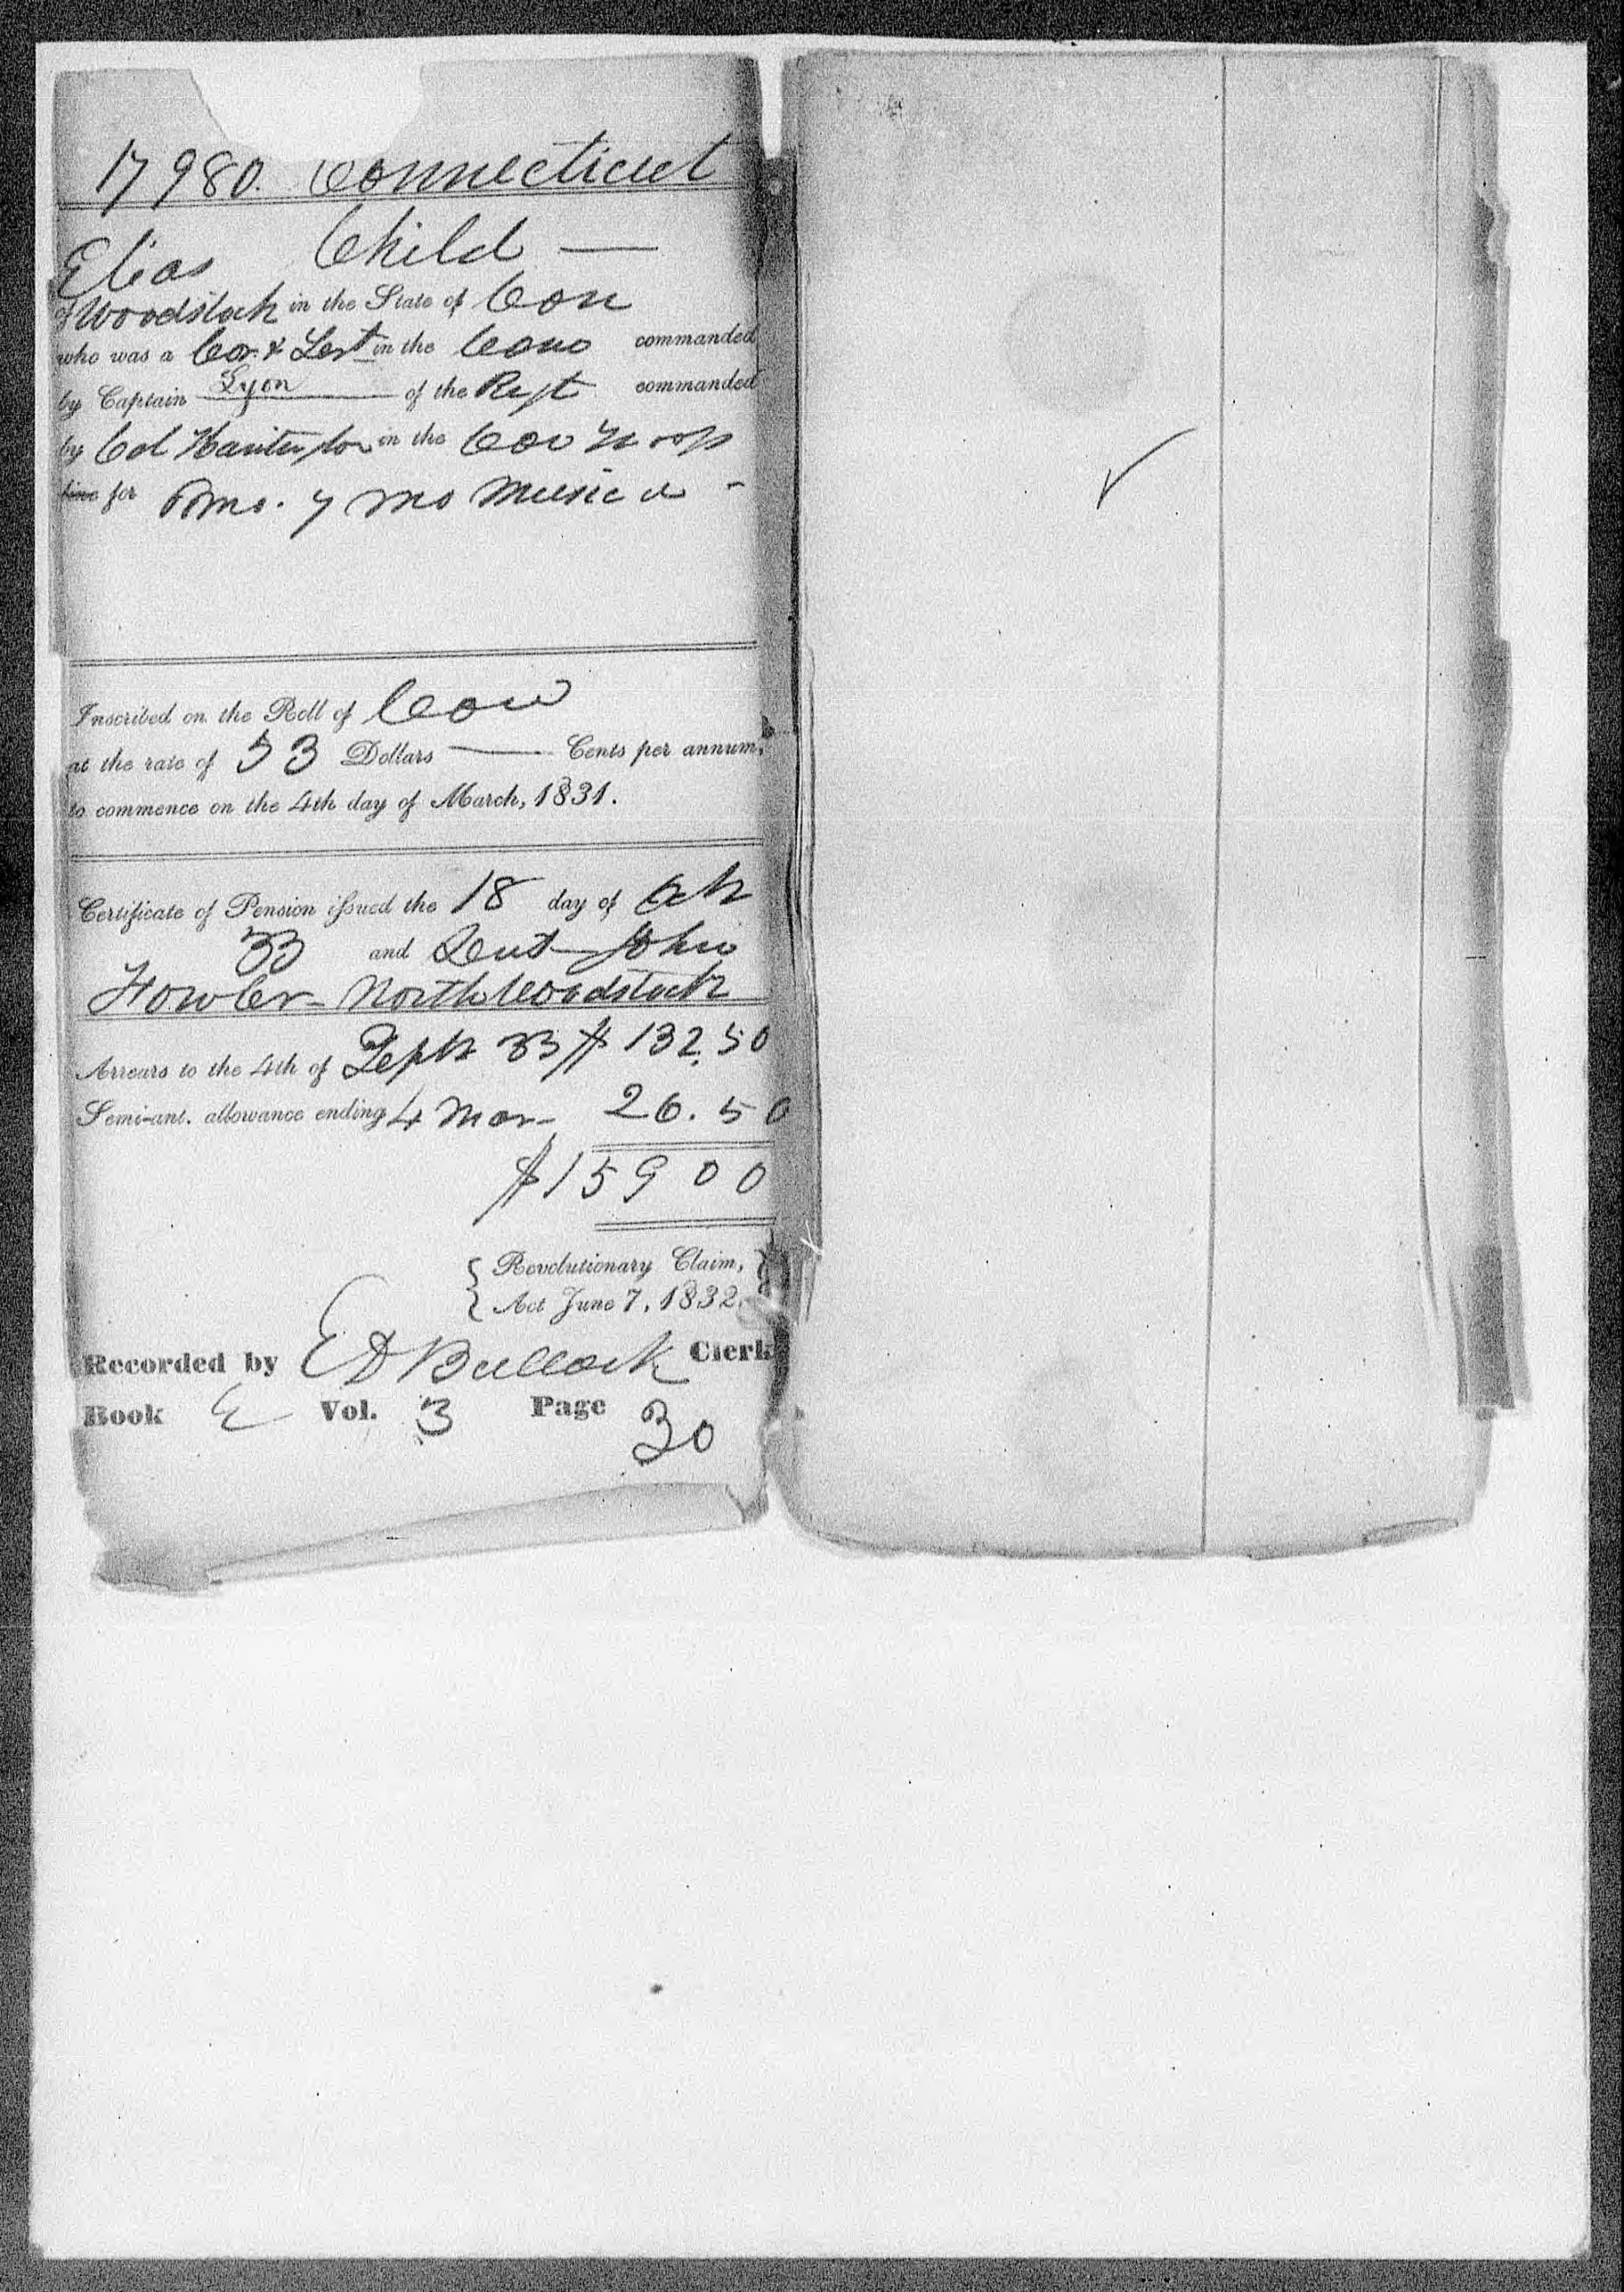17980 Connecticut
Elias Child
of Woodsloch in the State of Connecticut who was a Cor. & Lieut in the Conn commanded by Captain Lyon of the Regiment commanded by Col Huntington in the Connecticut line for o yrs and 7 mo, married. 
Inscribed on the Roll of Conn at the rate of 53 Dollars - cents per annum, to commence on the 4th day of March, 1831.
Certificate of Pension issued the 18 day of Oct 33 and Sent - John Howler - North Woodsloch

Arrears to the 4th of Feb 33#   132.50
Semi-anl. allowance ending 4 months   26.50
$159.00

{Revolutionary Claim Act June 7, 1832}
Recorded by ED Bullock Clerk
Book  E  Vol.   3  Page 30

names: Lyon, Hantington, E D Bullock, John Fowler, Elias Child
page: 2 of 34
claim: survivor's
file: S. 31,605, Elias Child, Conn.